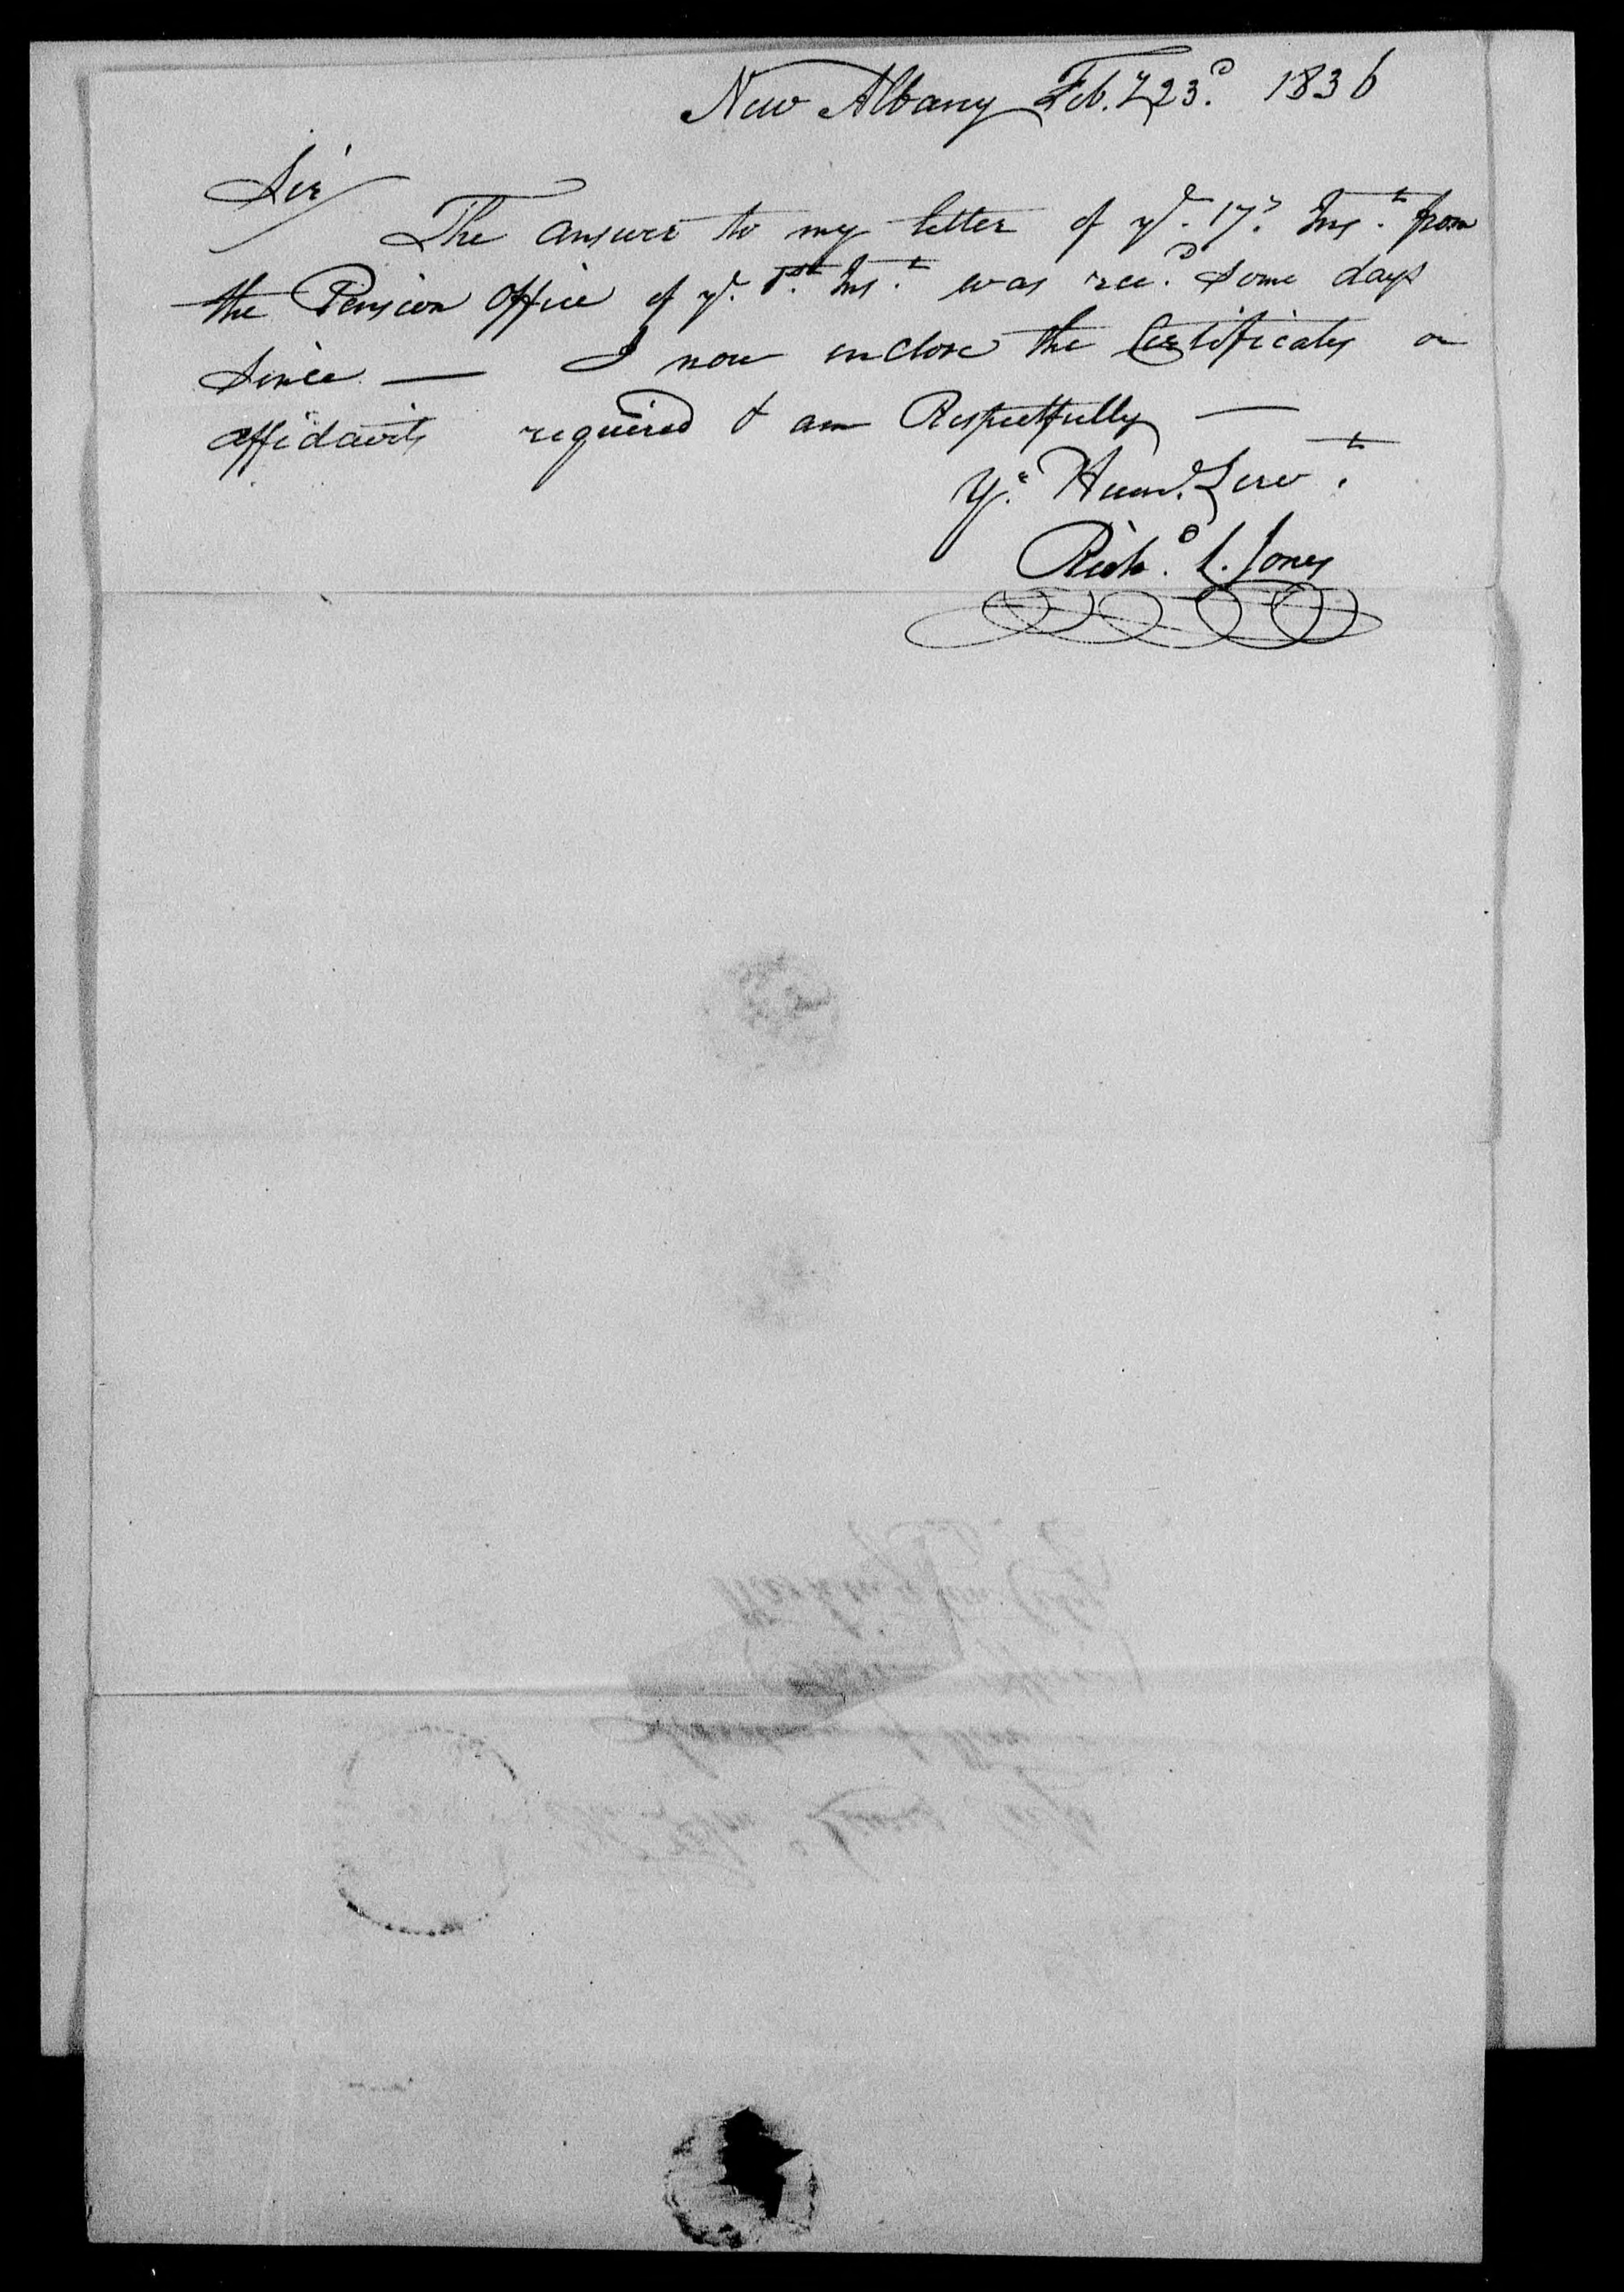New Albany Feb. 23d 1836
Sir

The answer to my letter of ye 17th Inst from
the Pension Office of ye1st Inst was recd some days since I now enclose the certificates an affidavits required & am Respectfully
yr hum serv  [your humble servant]
Rich. L. Jones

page: 47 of 62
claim: widow's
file: W. 765, for Richard L Jones, Connecticut